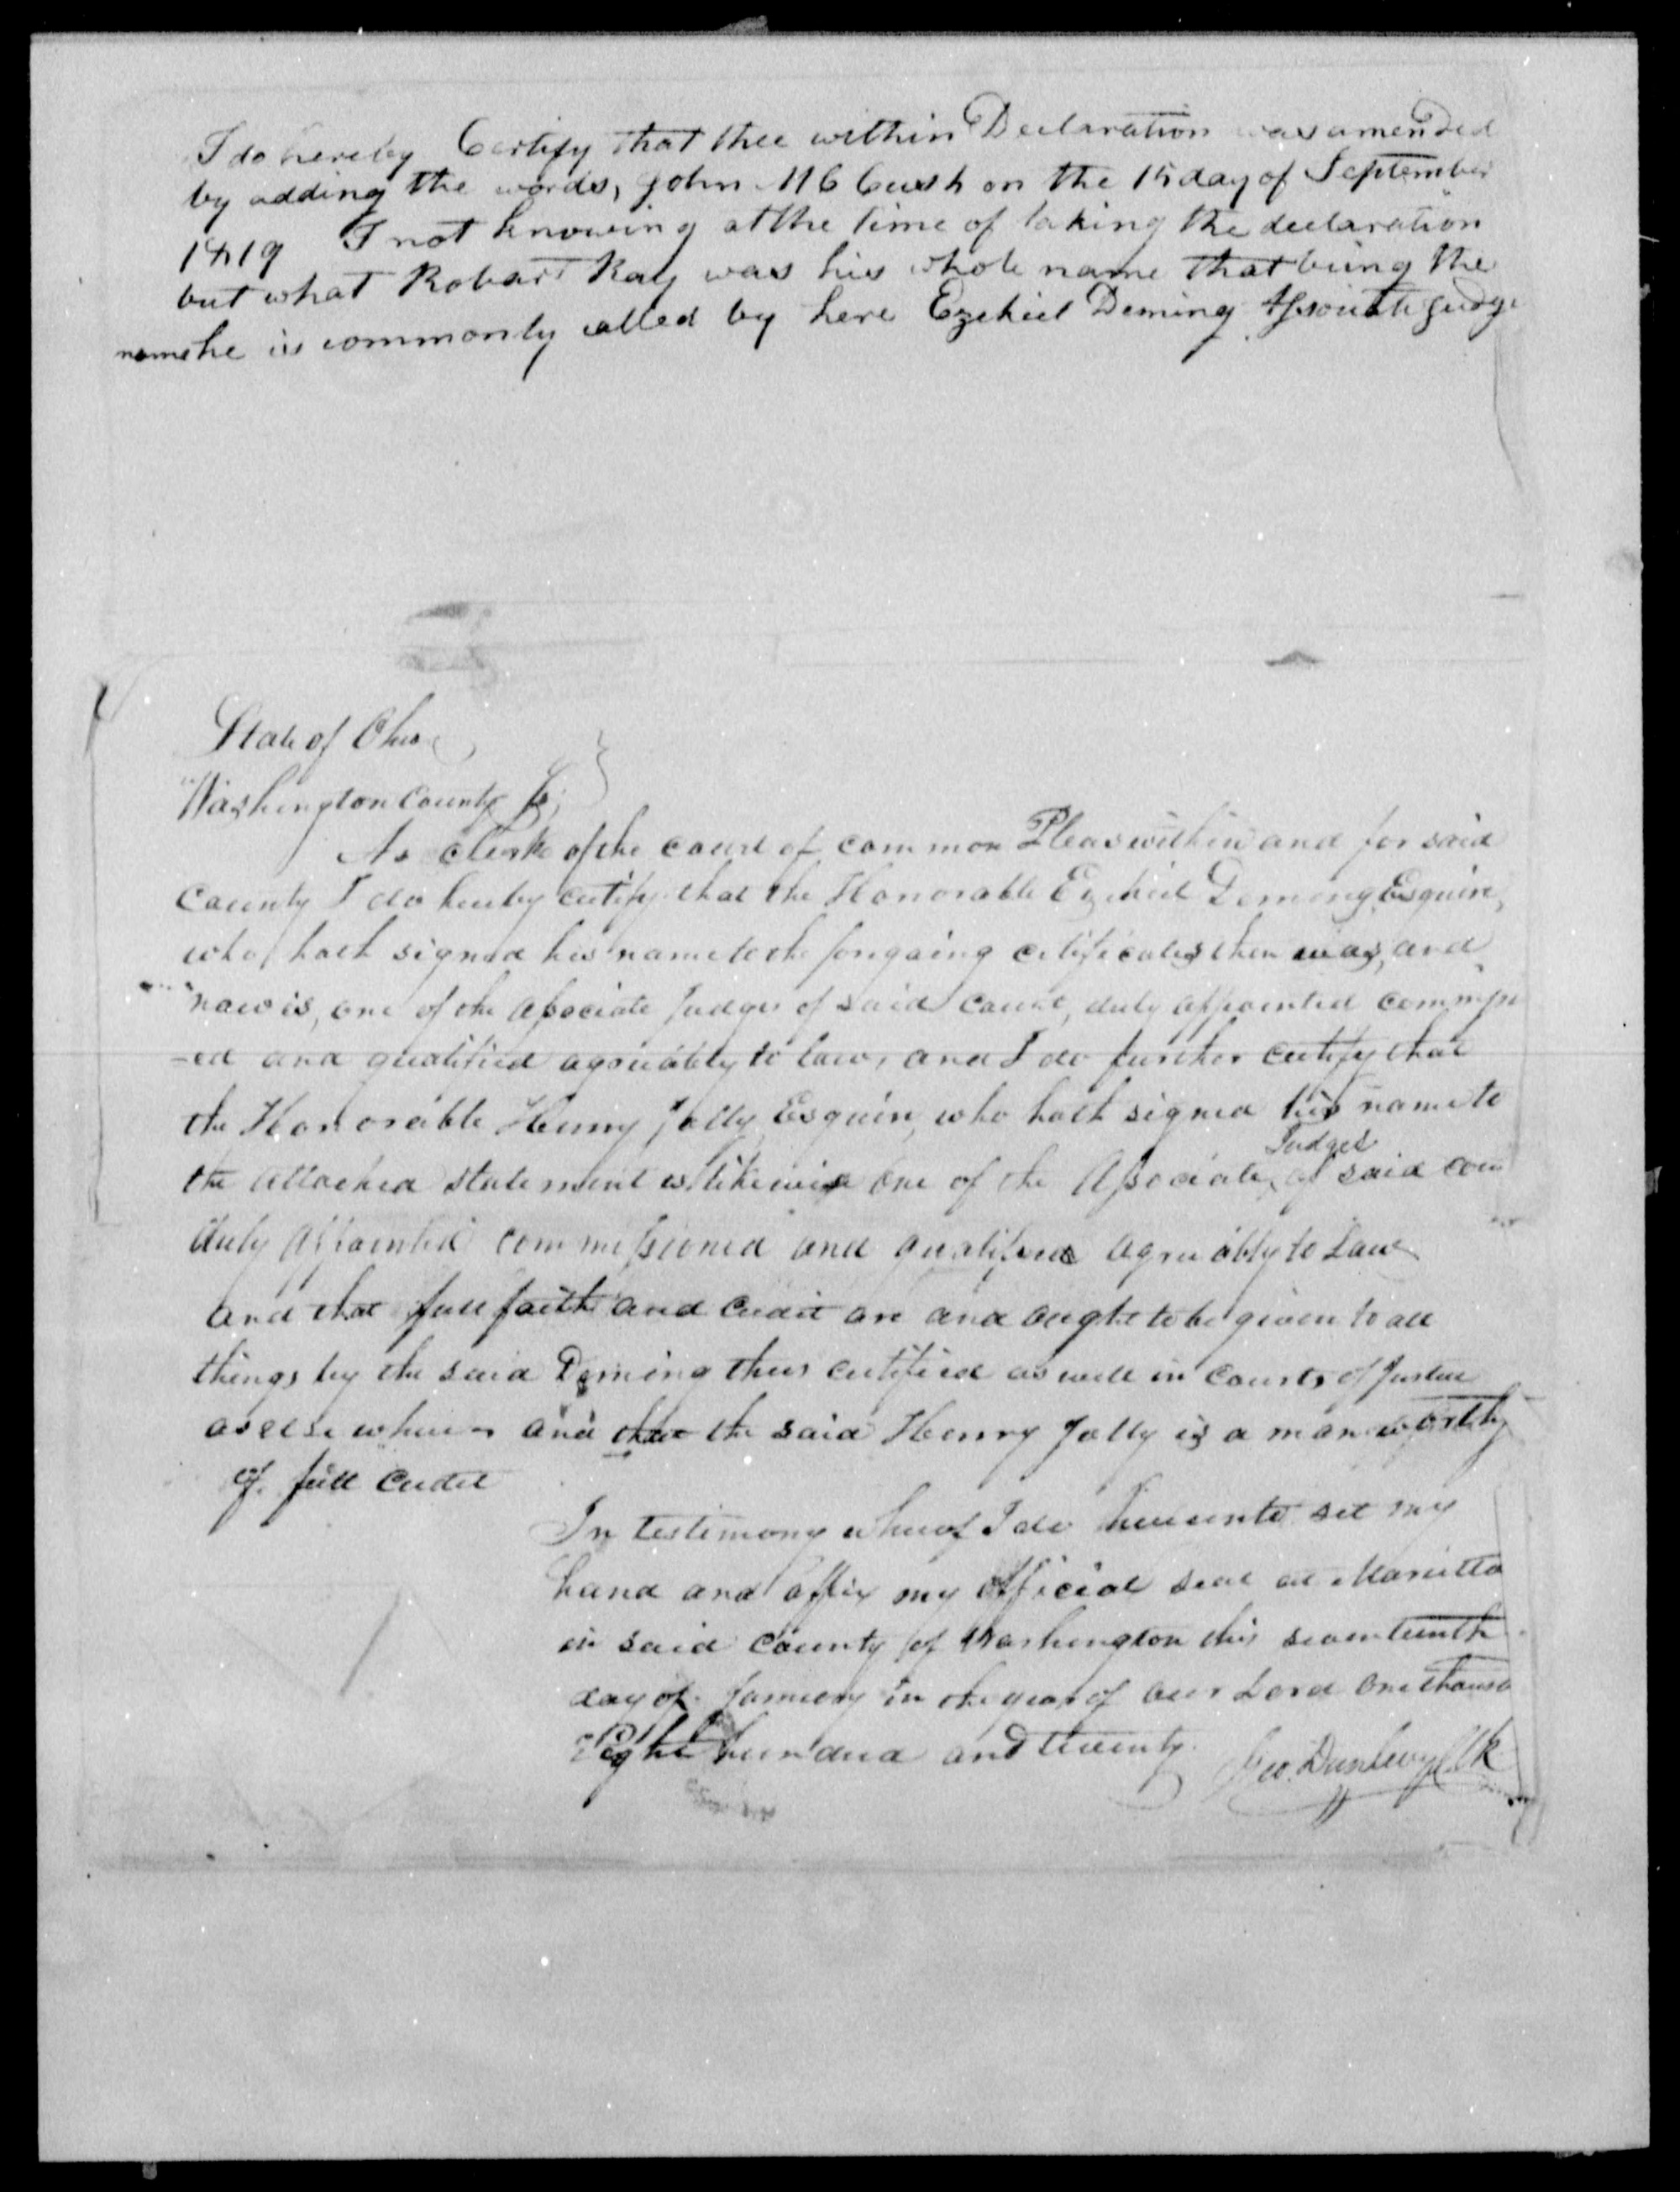State of Ohio
Washington County
As clerk of the court of common Pleas within and for said county I do hereby certify that the Honorable Ezekial Deming Esquire who hath signed his name to the foregoing certificates then was and now is one of the associate Judges of the said court duly appointed  commissioner and established agreeably to the law, and I do further certify that the Honorable Henry Jolly Esquire who hath signed his name to the attached statement  is likening on  of the Associate Judges of said duly affirmed commissioned and certified agreeably to Law and that full faith and credit and ought to be given to all things by the said Deming this certified as well in courts of Justice as [illegible] wherever and that the said Henry Jolly is a man worthy of full credit.
In testimony whereof I and hereunto set my hand and affix my official seal at Marietta in said county of Washington this seventeenth day of January in the year of our Lord one thousand eight hundred and twenty  Geo Dunlevy  Clk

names: Geo Dunlevy; Ezekiel Deming; John Mc Cush; Robart Ray; Henry Jolly; Ezekiel Deming; Henry Jolly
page: 9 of 20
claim: survivor's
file: S. 40,990, for John Mc Cush Robert Ray, Pennsylvania